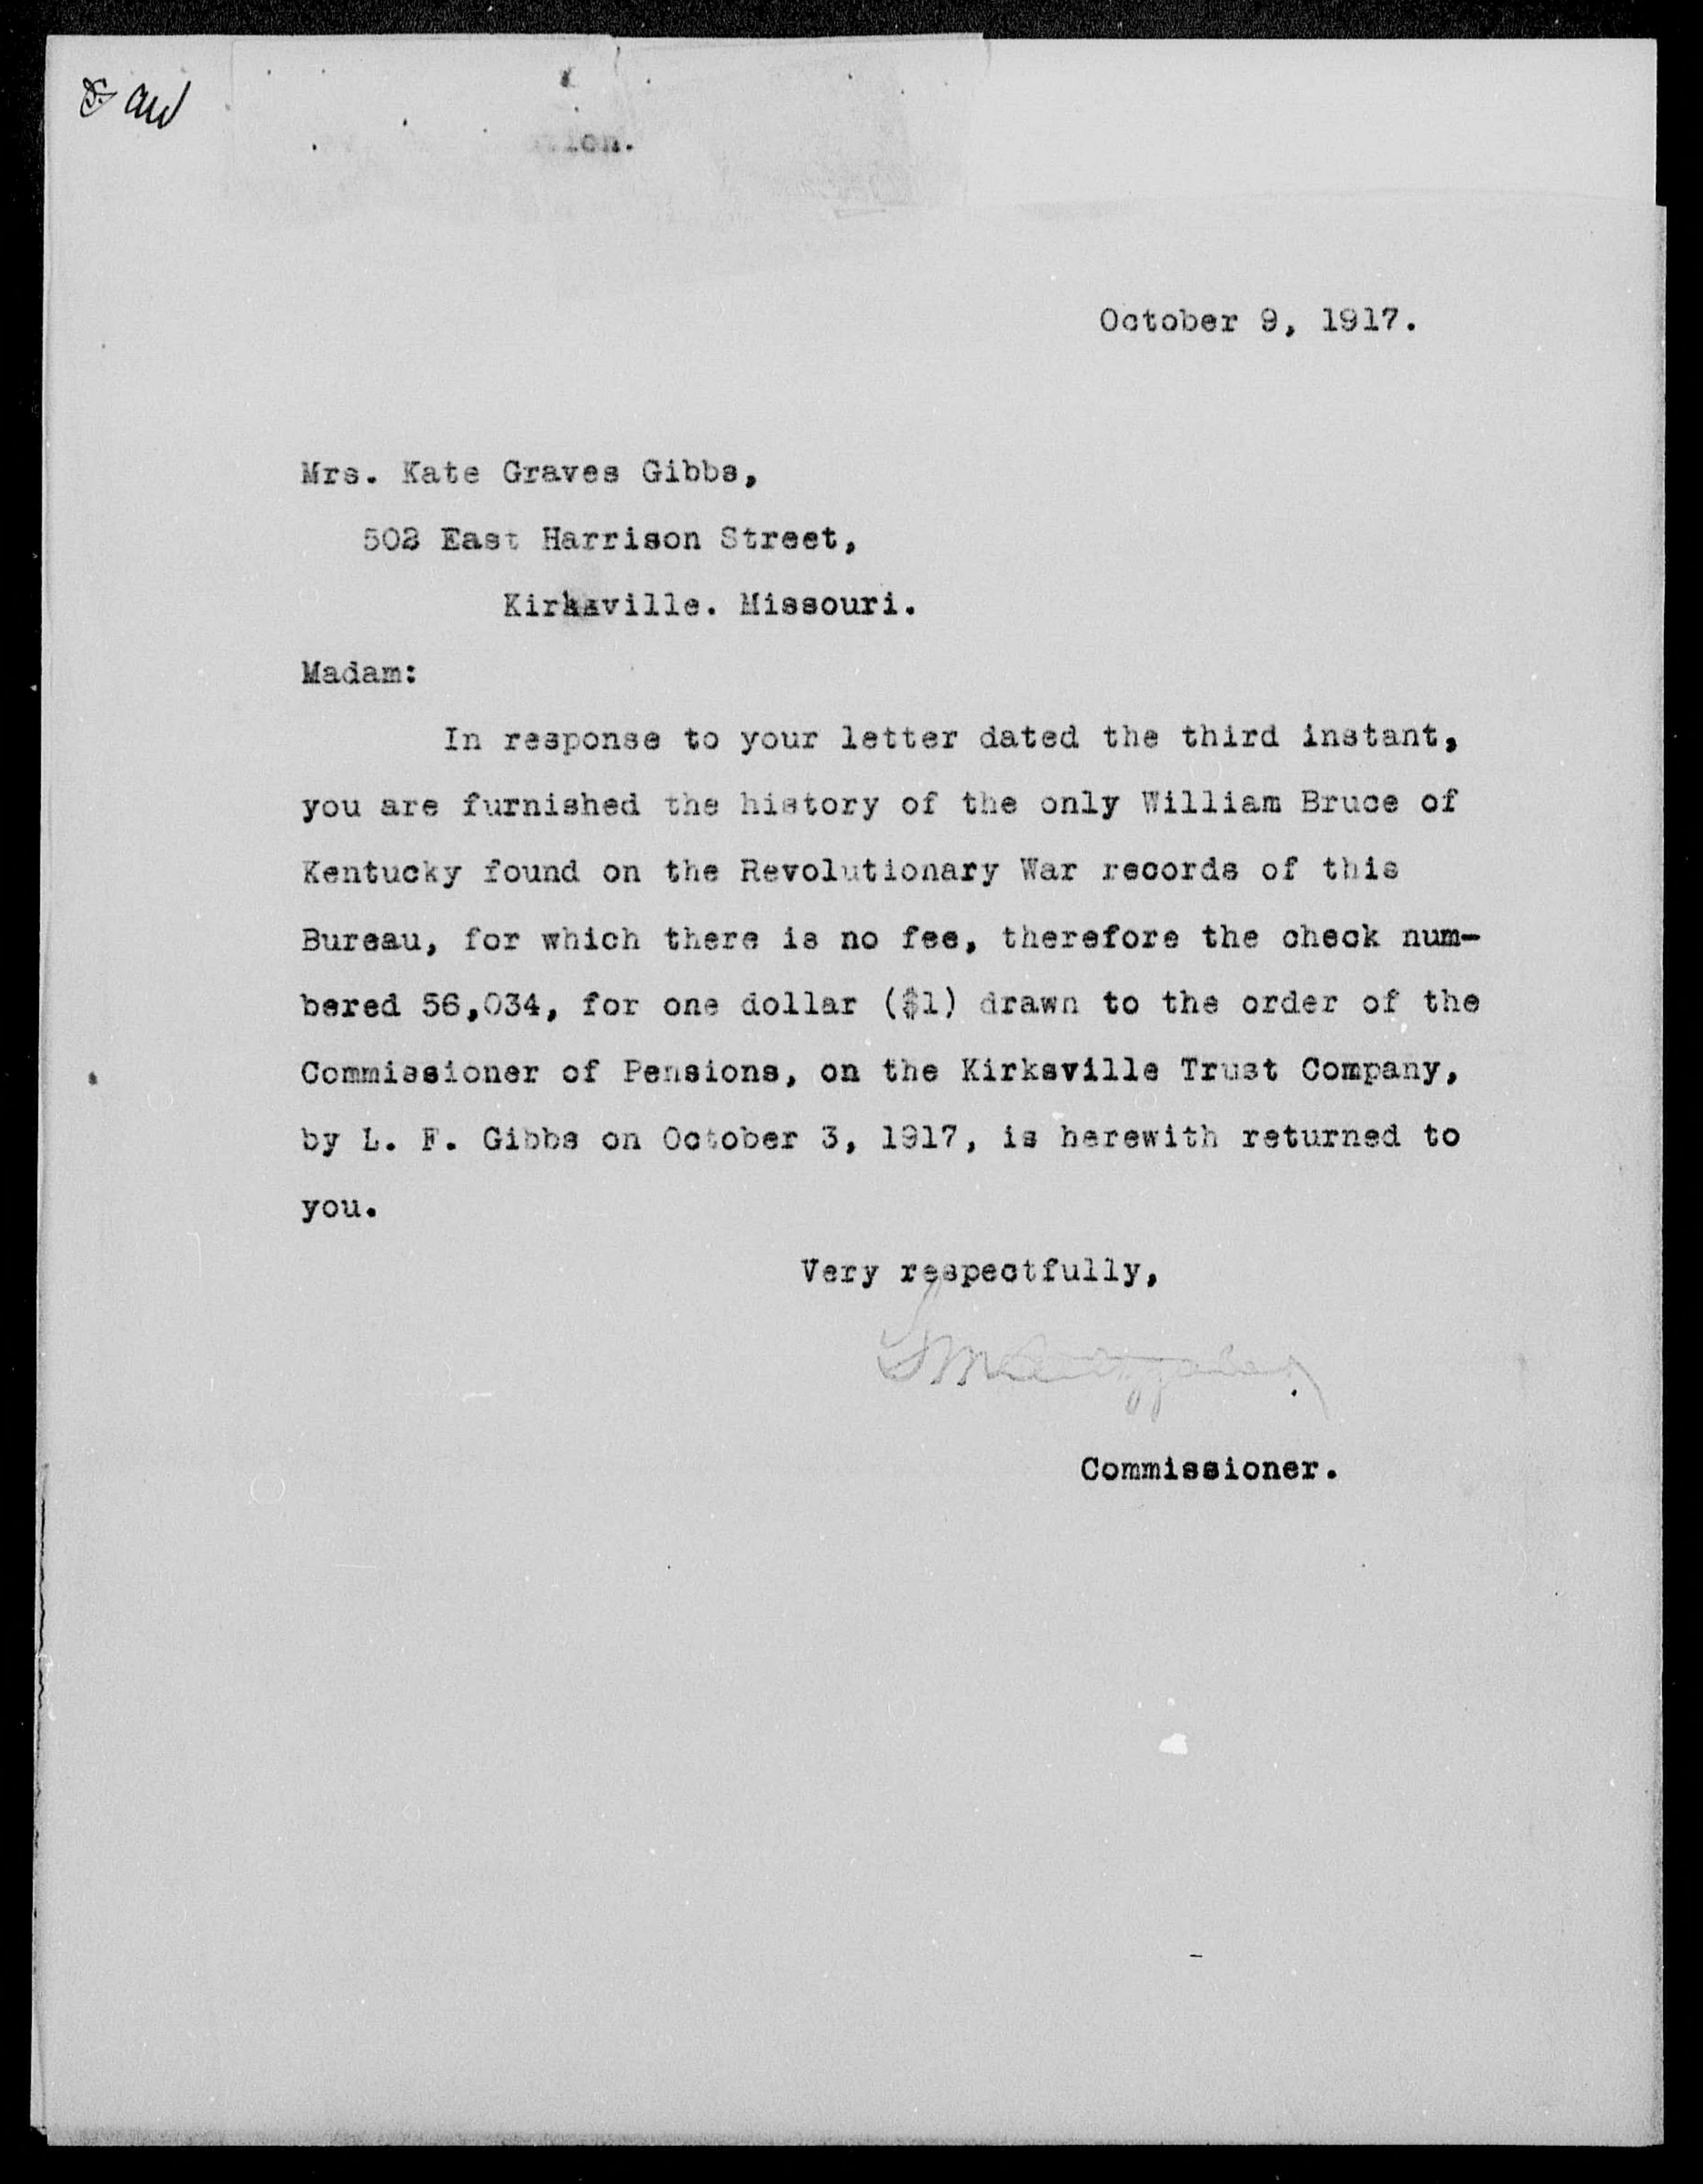[typed form, with handwritten responses]

AW

October 9, 1917.

Mrs. Kate Graves Gibbs, 
502 East Harrison Street, 
Kirksville, Missouri. 

Madam: 

In response to your letter dated the third instant, you are furnished the history of the only William Bruce of Kentucky found on the Revolutionary War records of this Bureau, for which there is no fee, therefore the check numbered 56, 034, for one dollar ($1) drawn to the order of the Commissioner of Pensions, on the Kirksville Trust Company, by L. F. Gibbs on October 3, 1917, is herewith returned to you. 

Very respectfully, 

GM Saltzgaber
Commissioner.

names: G M, William Bruce, Kate Graves Gibbs, L F Gibbs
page: 53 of 54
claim: survivor's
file: S. 30287, William Bruce, N.C.